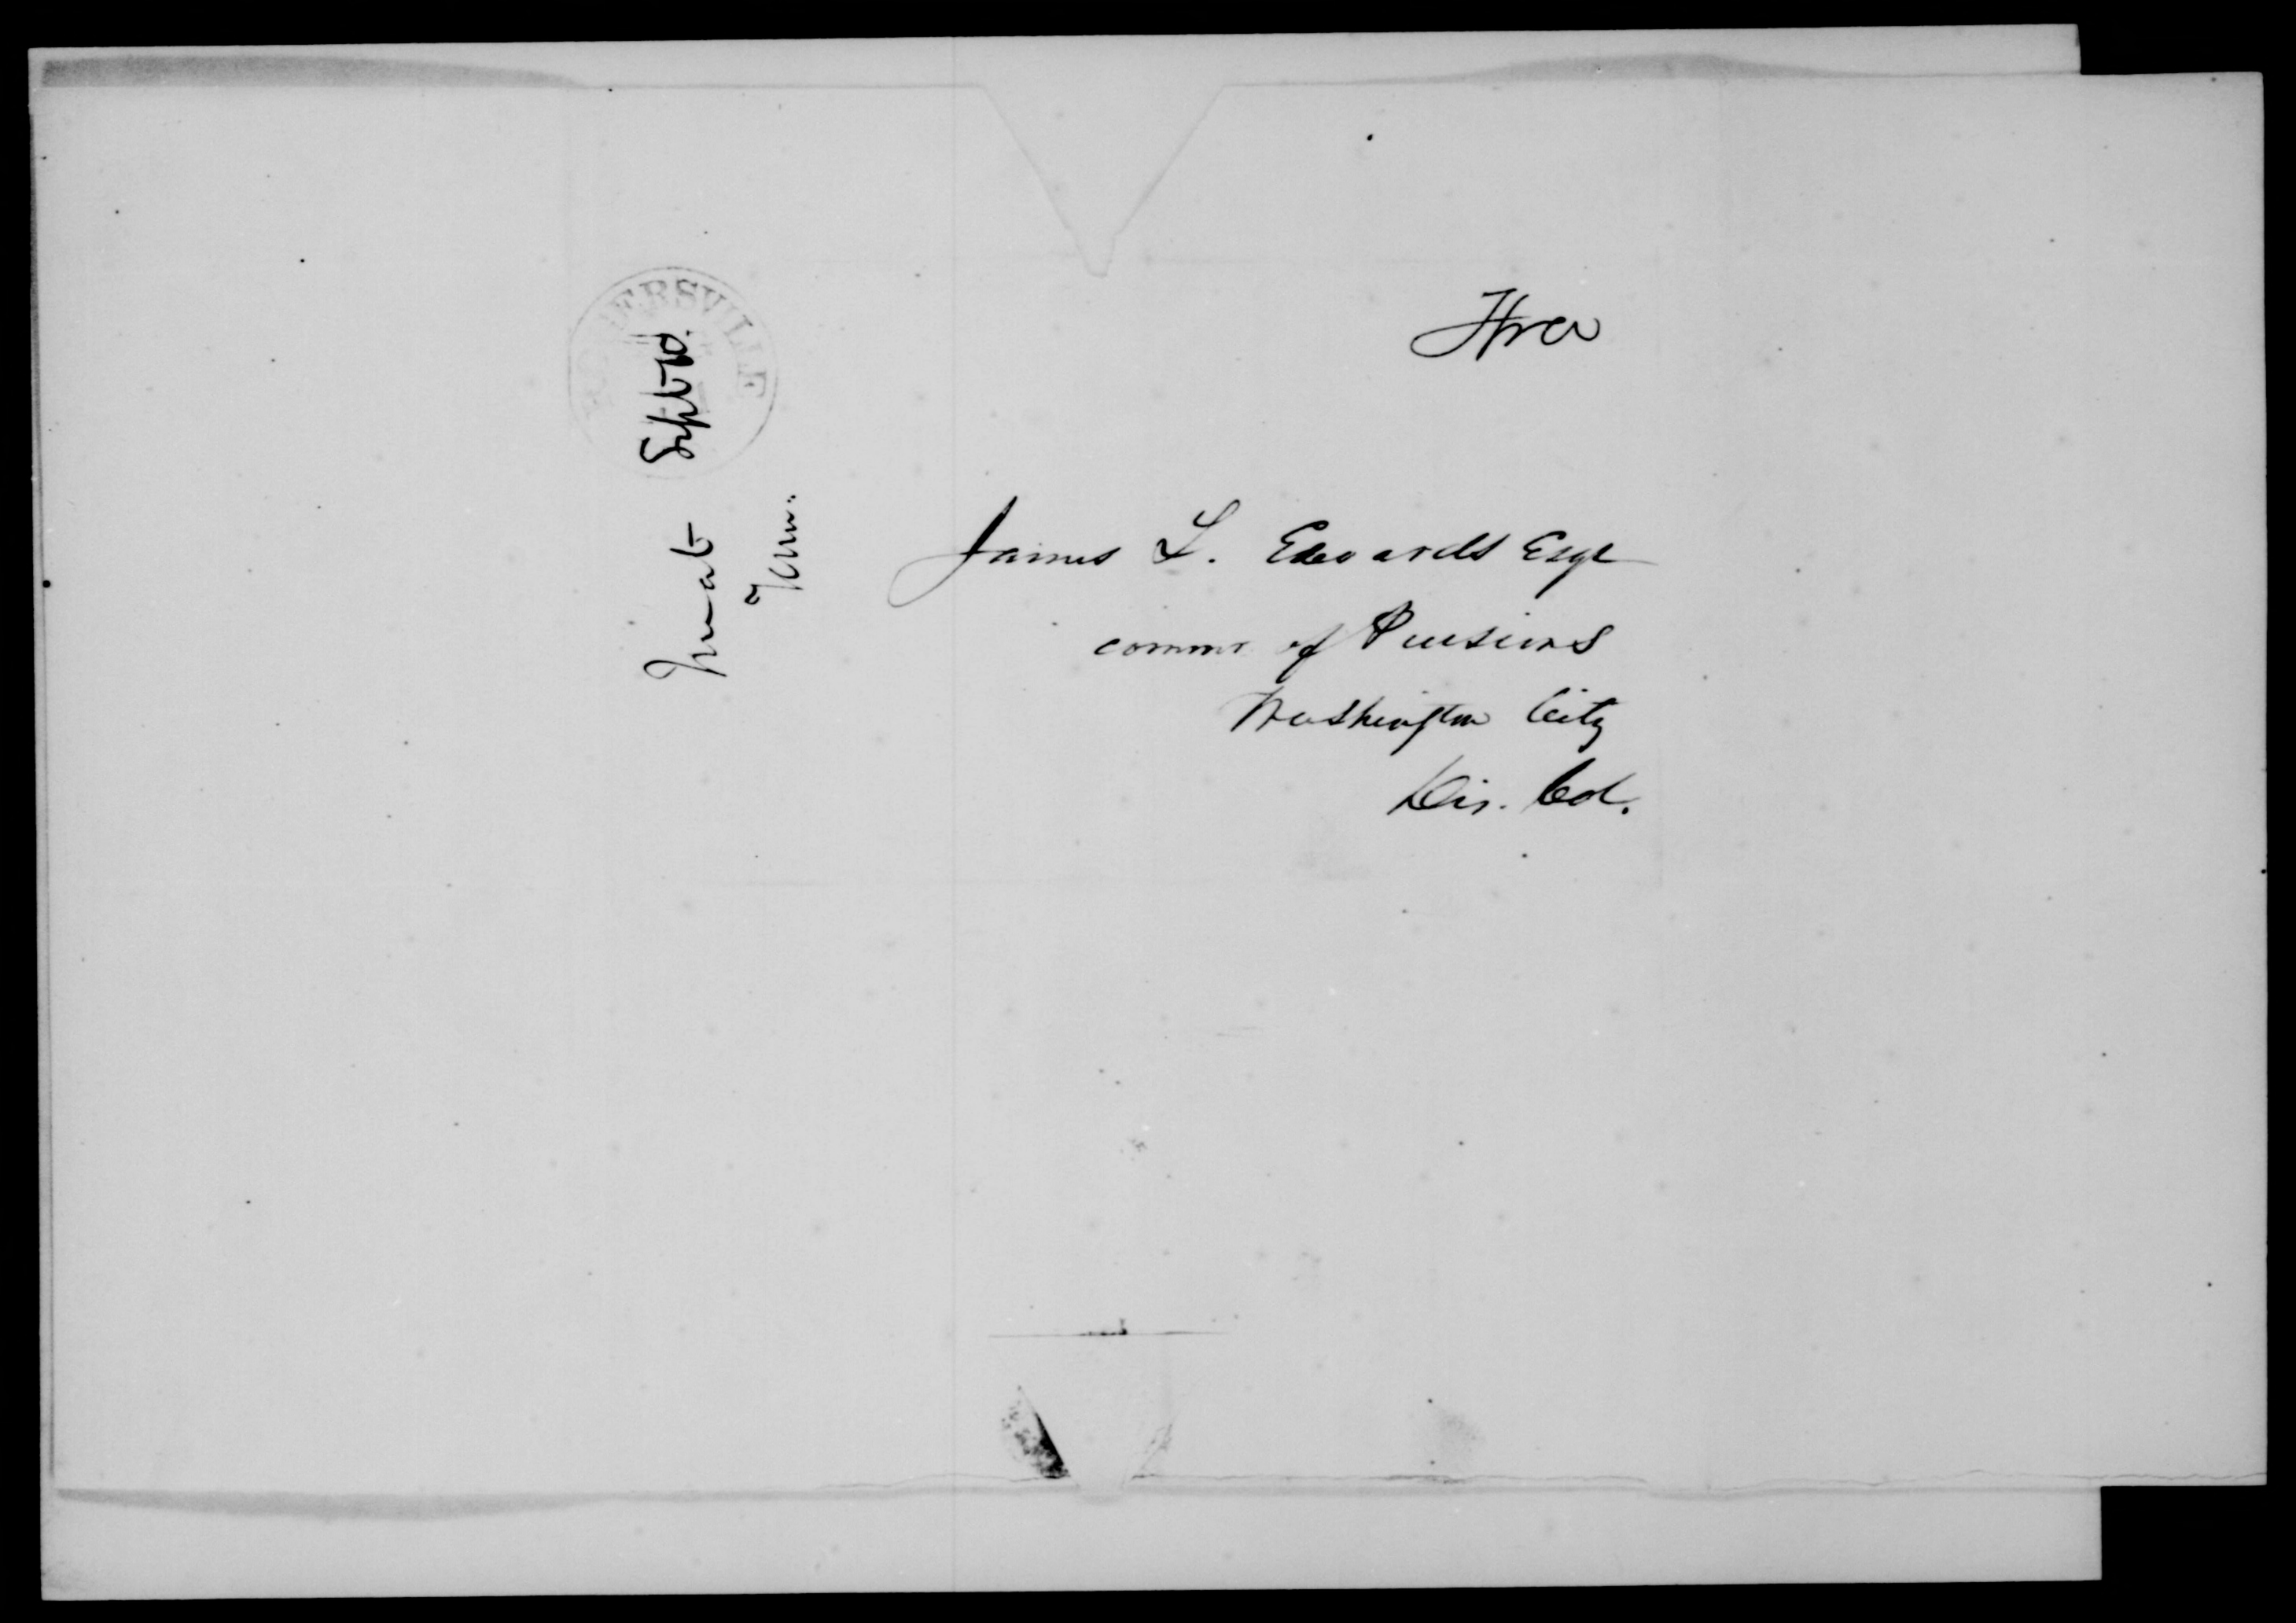[Round stamp mark]
ROGERSVILLE
[illegible]

Free

James L Edwards Esqr
Commr of Pensions
Washington City
Dis. Col.

[Sideways of the left]
hnat Sept 70
Tenn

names: James L Edwards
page: 78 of 79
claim: widow's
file: W. 1504, for Robert Smith, North Carolina